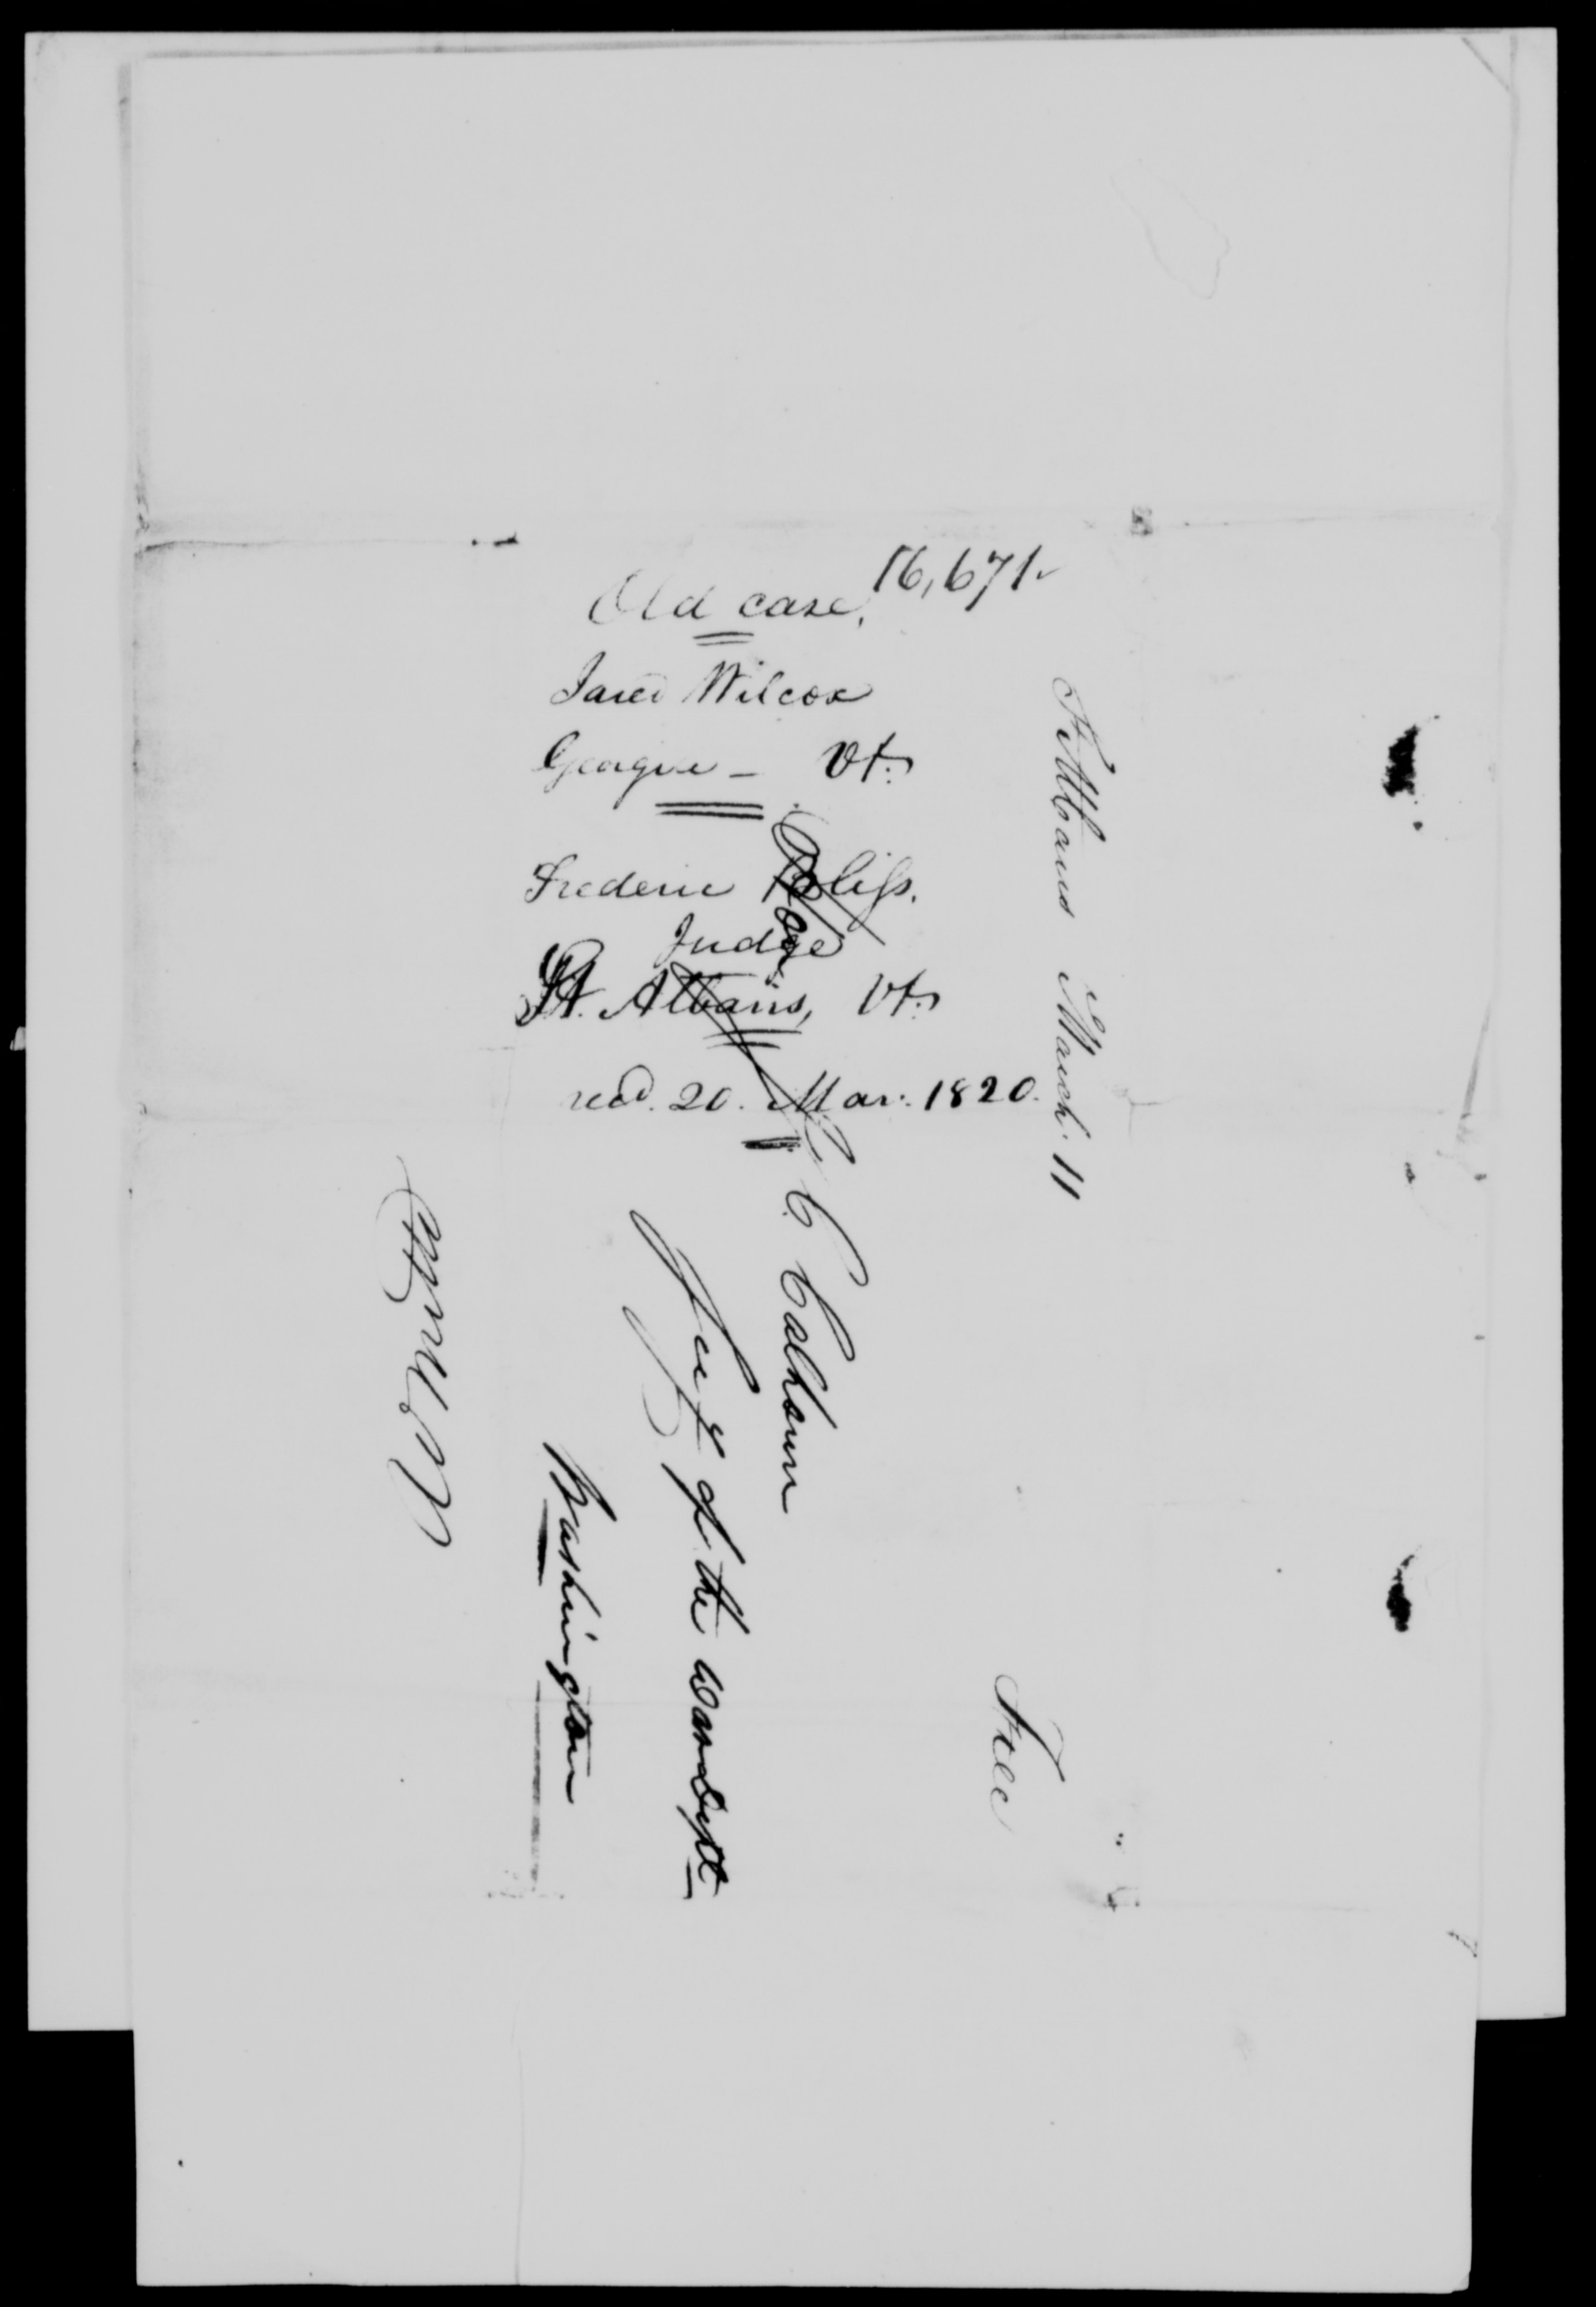[WRITTEN HORIZONTALLY]

16,67h
Old case,
Jared Wilcox
Georgia -- Vt.

Frederic Bliss.
Judge
St. Albans, Vt.

recd 20 Mar. 1820


[WRITTEN VERTICALLY]

St. Albans  March 11

Hon. J.C. Calhoun
Secy of the war Dept
Washington

W Mitto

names: Frederic Bliss, J C Calhoun, Jared Wilcox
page: 30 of 34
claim: survivor's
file: S. 41337, Jared Wilcox, Continental Mass.